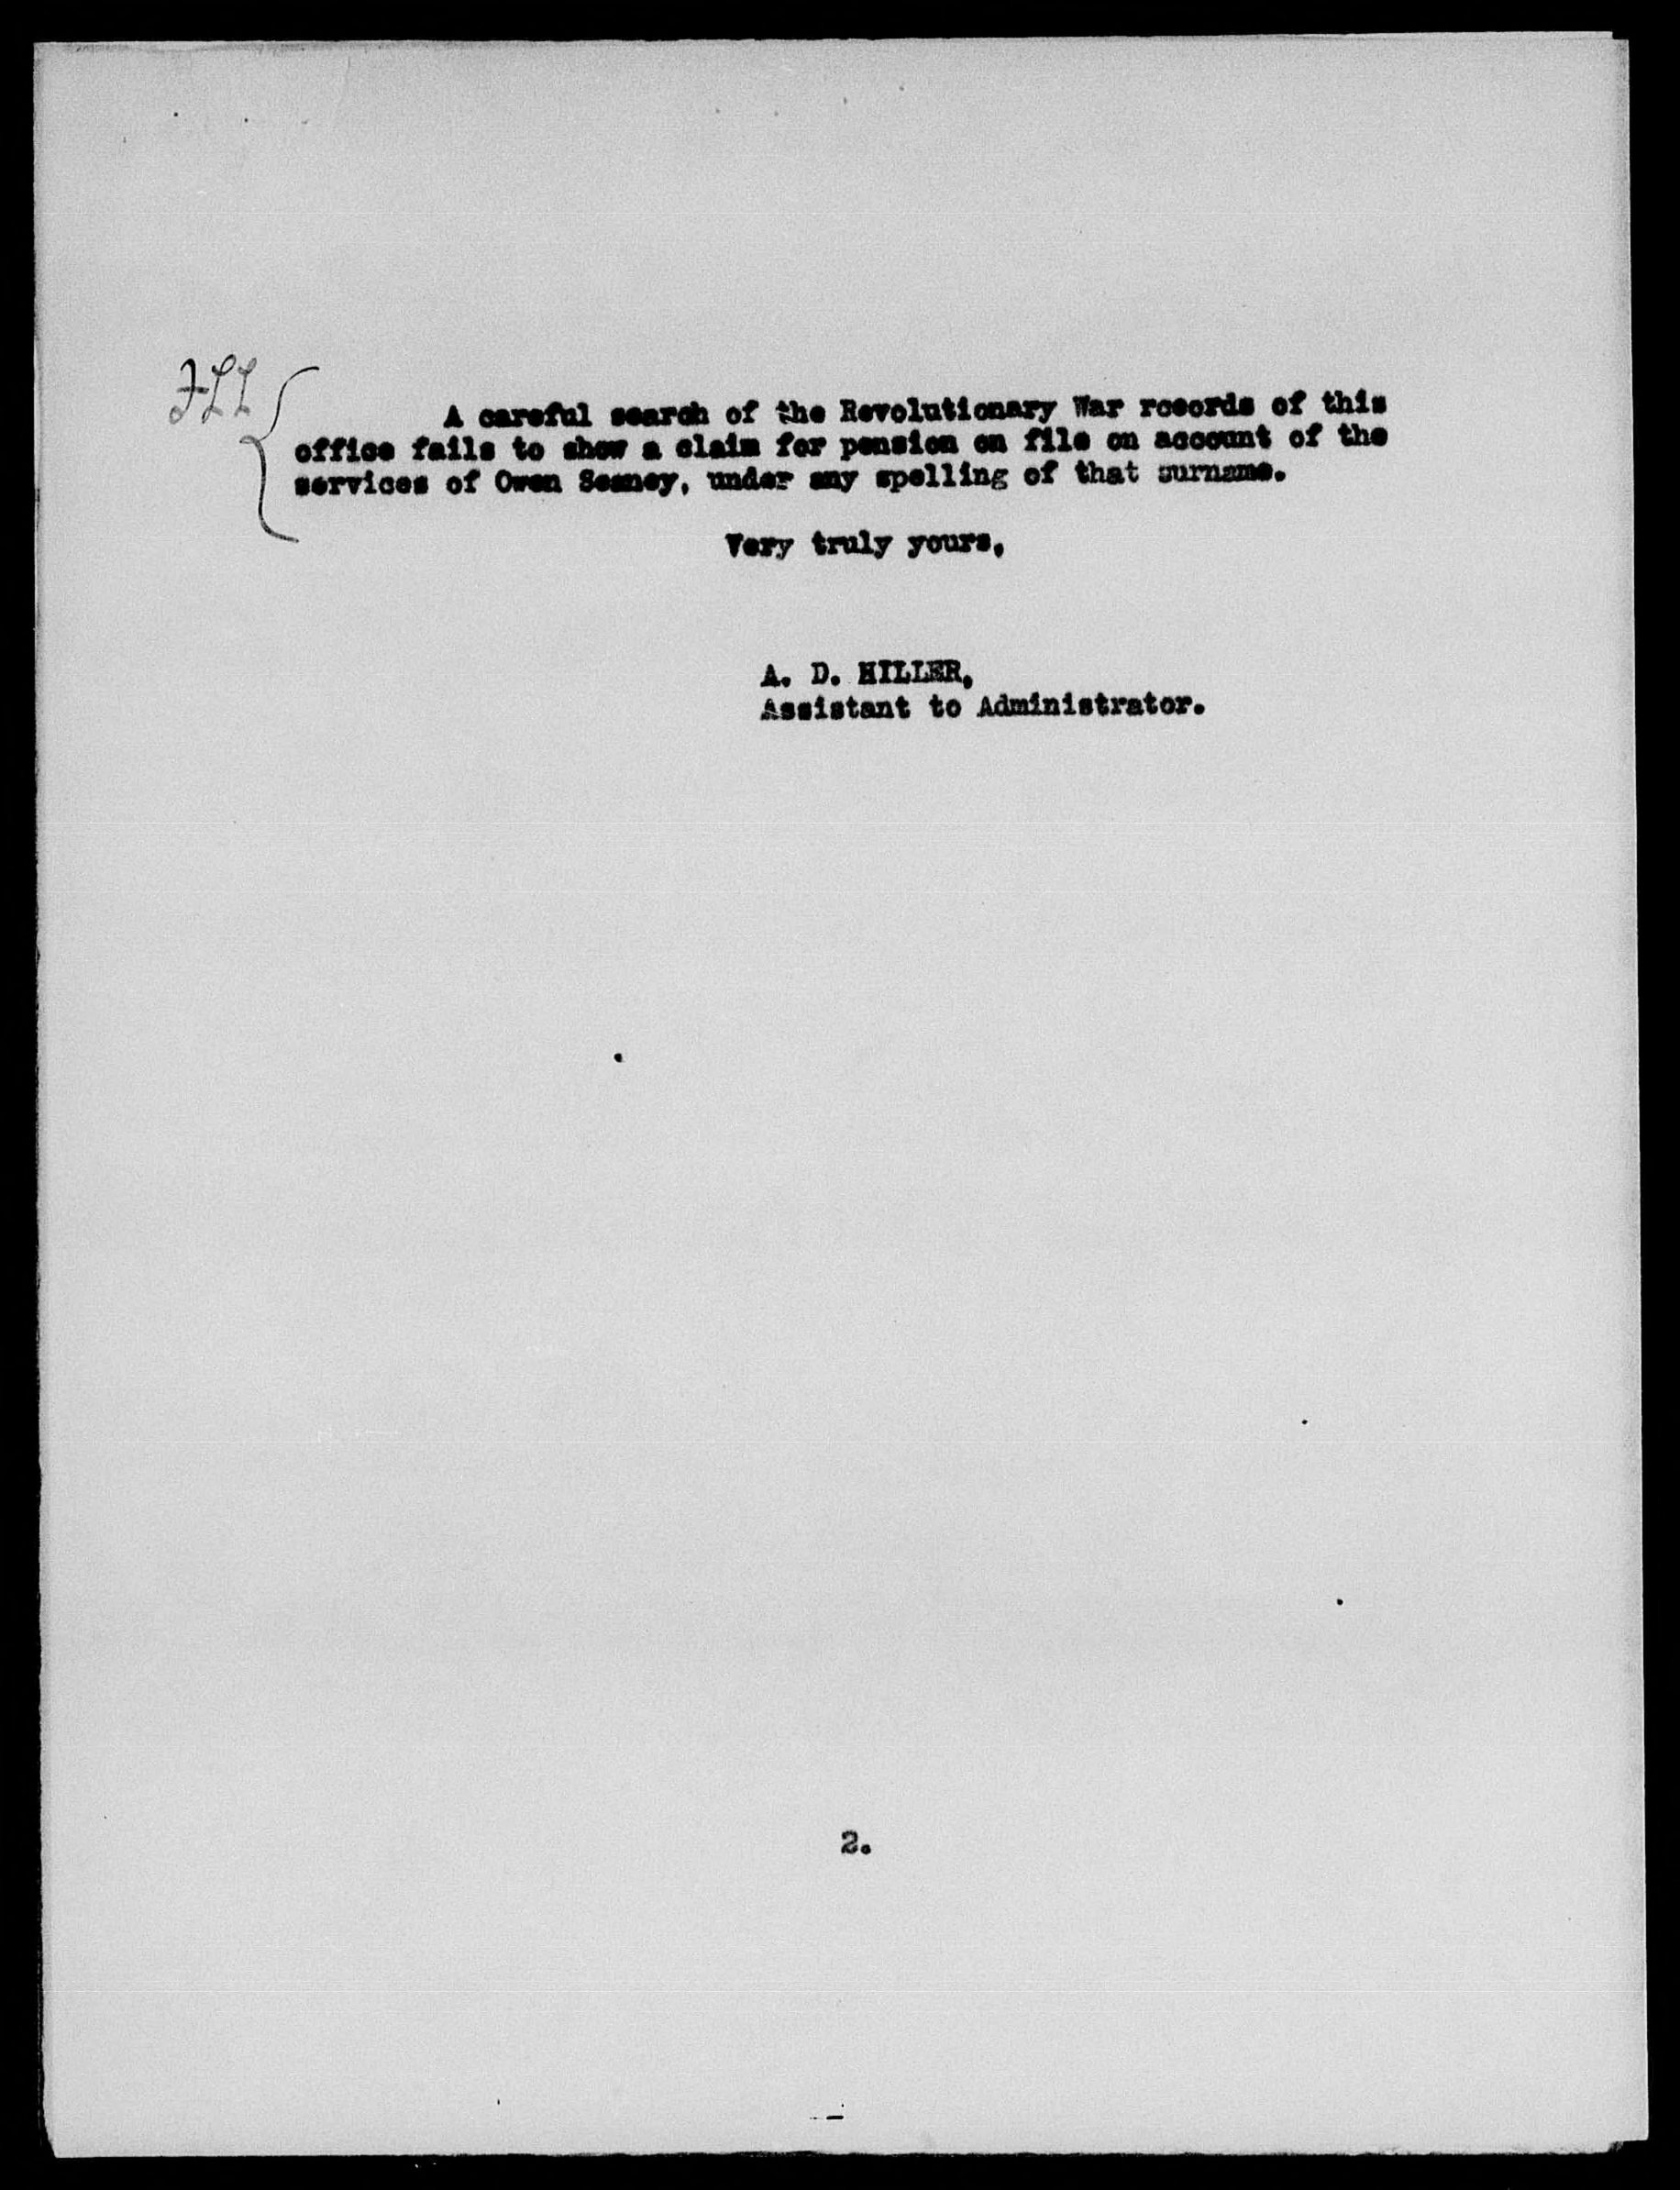A careful search of the Revolutionary War records of this
office fails to show a claim for pension on file on account of the
services of Owen Seaney, under any spelling of that surname
Very truly yours,
A. D. HILLER,
Assistant to Administrator.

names: Owen Seaney, A D Hiller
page: 44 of 44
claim: survivor's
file: S. 31,061, Thomas Gill, S.C.